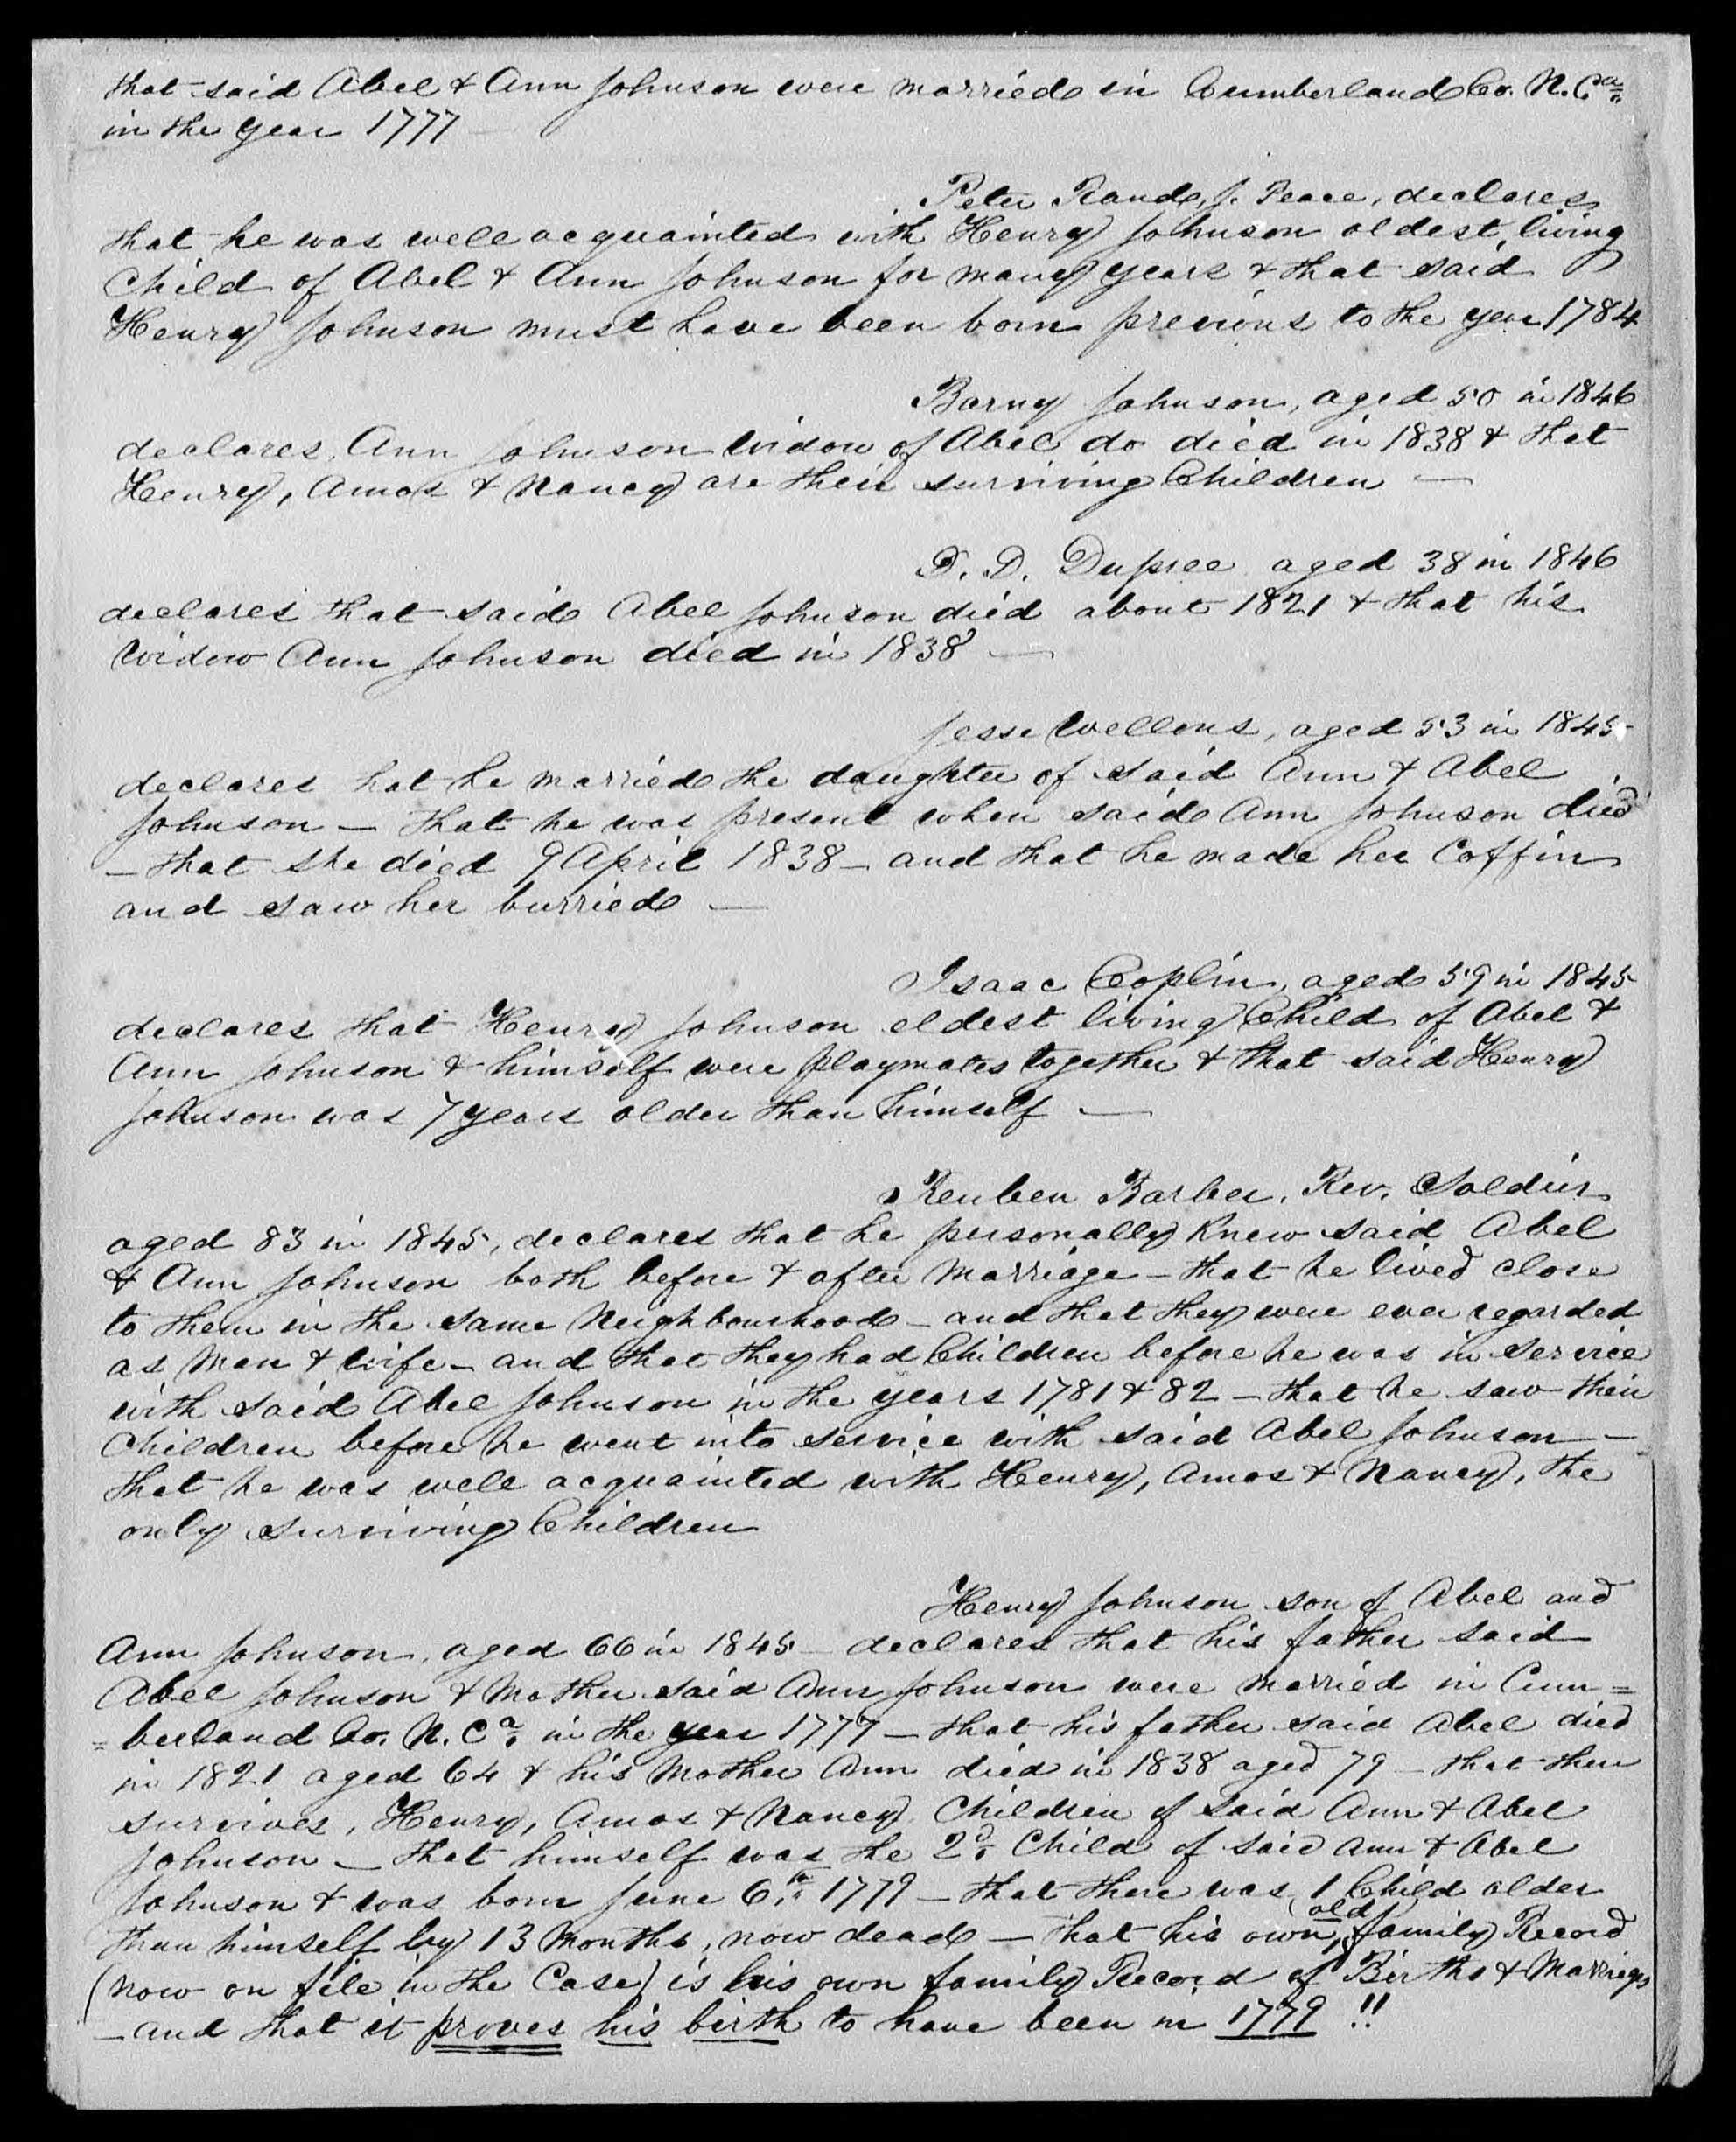That said Abel and Ann Johnson were married in Cumberland Co. N.Ca.  in the year 1777.      
Peter Randy, Justice of Peace, declares that he was well-acquainted with Henry Johnson oldest living child of Abel and Ann Johnson for many years and that said Henry Johnson must have been born previous to the year 1784.      
Barny Johnson, aged 50 in 1846, declares Ann Johnson widow of Abel do died in 1838 and that Henry, Amos and Nancy are their surviving children –      
D. D. Dupree, aged 38 in 1846, declares that said Abel Johnson died in about 1821 and that his widow Ann Johnson died in 1838 ---      
Jesse Wellons, aged 53 in 1845, declares that he married the daughter of said Ann and Abel Johnson - That he was present when said Ann Johnson died  - That she died 9 April 1838 and that he made her coffin and saw her buried ---    
Isaac Coplin aged 59 in 1845 declares that Henry Johnson oldest living child of Abel and Ann Johnson and himself were playmates together and said that Henry Johnson was 7 years older than himself ---      
Reuben Barber, Rev. Soldier aged 83 in 1845, declared that he personally knew said Abel and Ann Johnson both before and after marriage - That he lived close to them in the same neighborhood - and that they were ever regarded as man and wife - and that they had children before he was in Service with said Abel Johnson in the years 1781 and 1782 - that he saw their children before he went into service with said Abel Johnson - that he was well acquainted with Henry, Amos and Nancy, the only surviving children        
Henry Johnson, son of Abel and Ann Johnson, aged 66 in 1846, declares that his father said Abel Johnson and mother said Ann Johnson were married in Cumberland Co. N. Ca. in the year 1777 - that his father said Abel died in 1821 aged 64 and his mother Ann died in 1838 aged 79 - that three survives Henry, Amos, and Nancy Children of said Ann and Abel Johnson - that himself was the 2nd child of said Ann and Abel Johnson and was born June 6, 1779 -that there was 1 Child older than himself by 13 months, now dead - that his own old family record (now on file in the case) is his own family Record of Births and Marriages - and that it proves his birth to have been in 1779 !!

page: 44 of 74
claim: rejected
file: R. 5600, for Abel Johnson, North Carolina